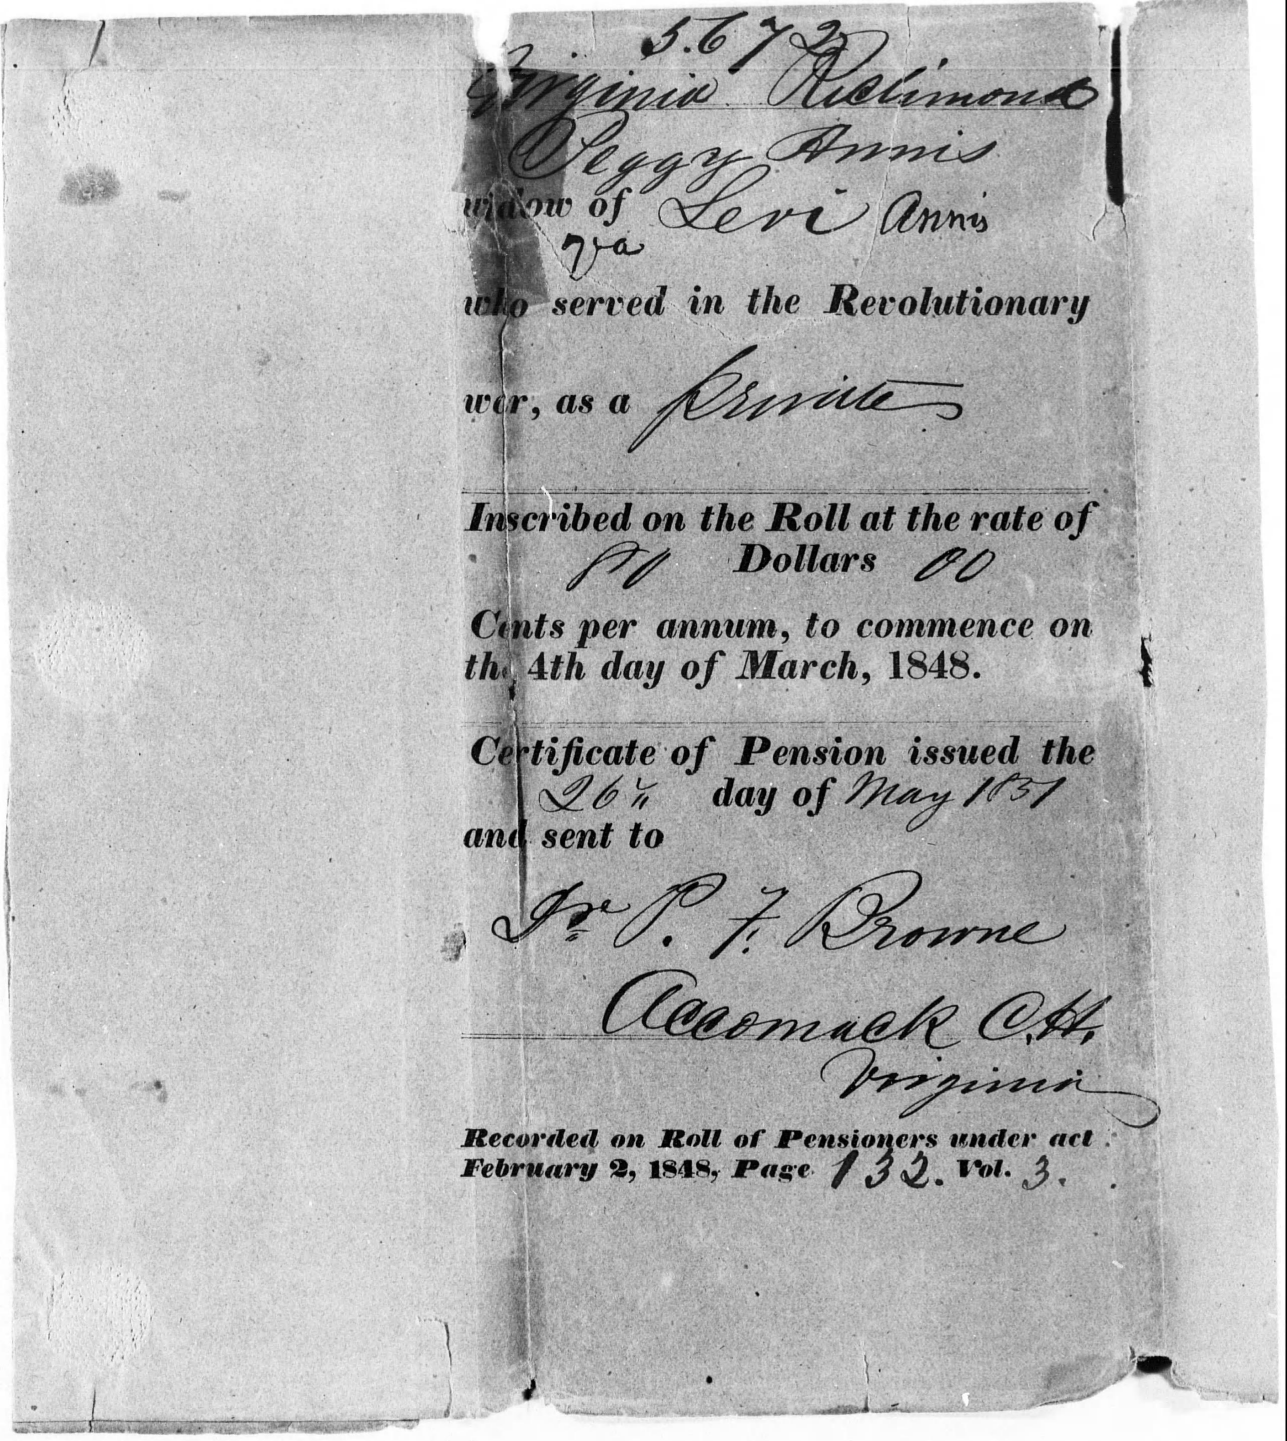5672
Virginia Richmond
Peggy Annis
widow of Levi Annis
Va
who served in the Revolutionary
war, as a Private
Inscribed on the Roll at the rate of 80 Dollars 00
Cents per annum, to commence on the 4th day of March, 1848.
Certificate of Pension issued the 26th day of May 1837 and send to
P.T. Browne
Accomack C.H.
Virginia
Recorded on Roll of Pensioners under act
February 2, 1848, Page 132. Vol. 3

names: P F Browne, Peggy Annis, Levi Annis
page: 3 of 27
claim: widow's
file: W 5624, Levi Annis, Va. Va. Sea Service